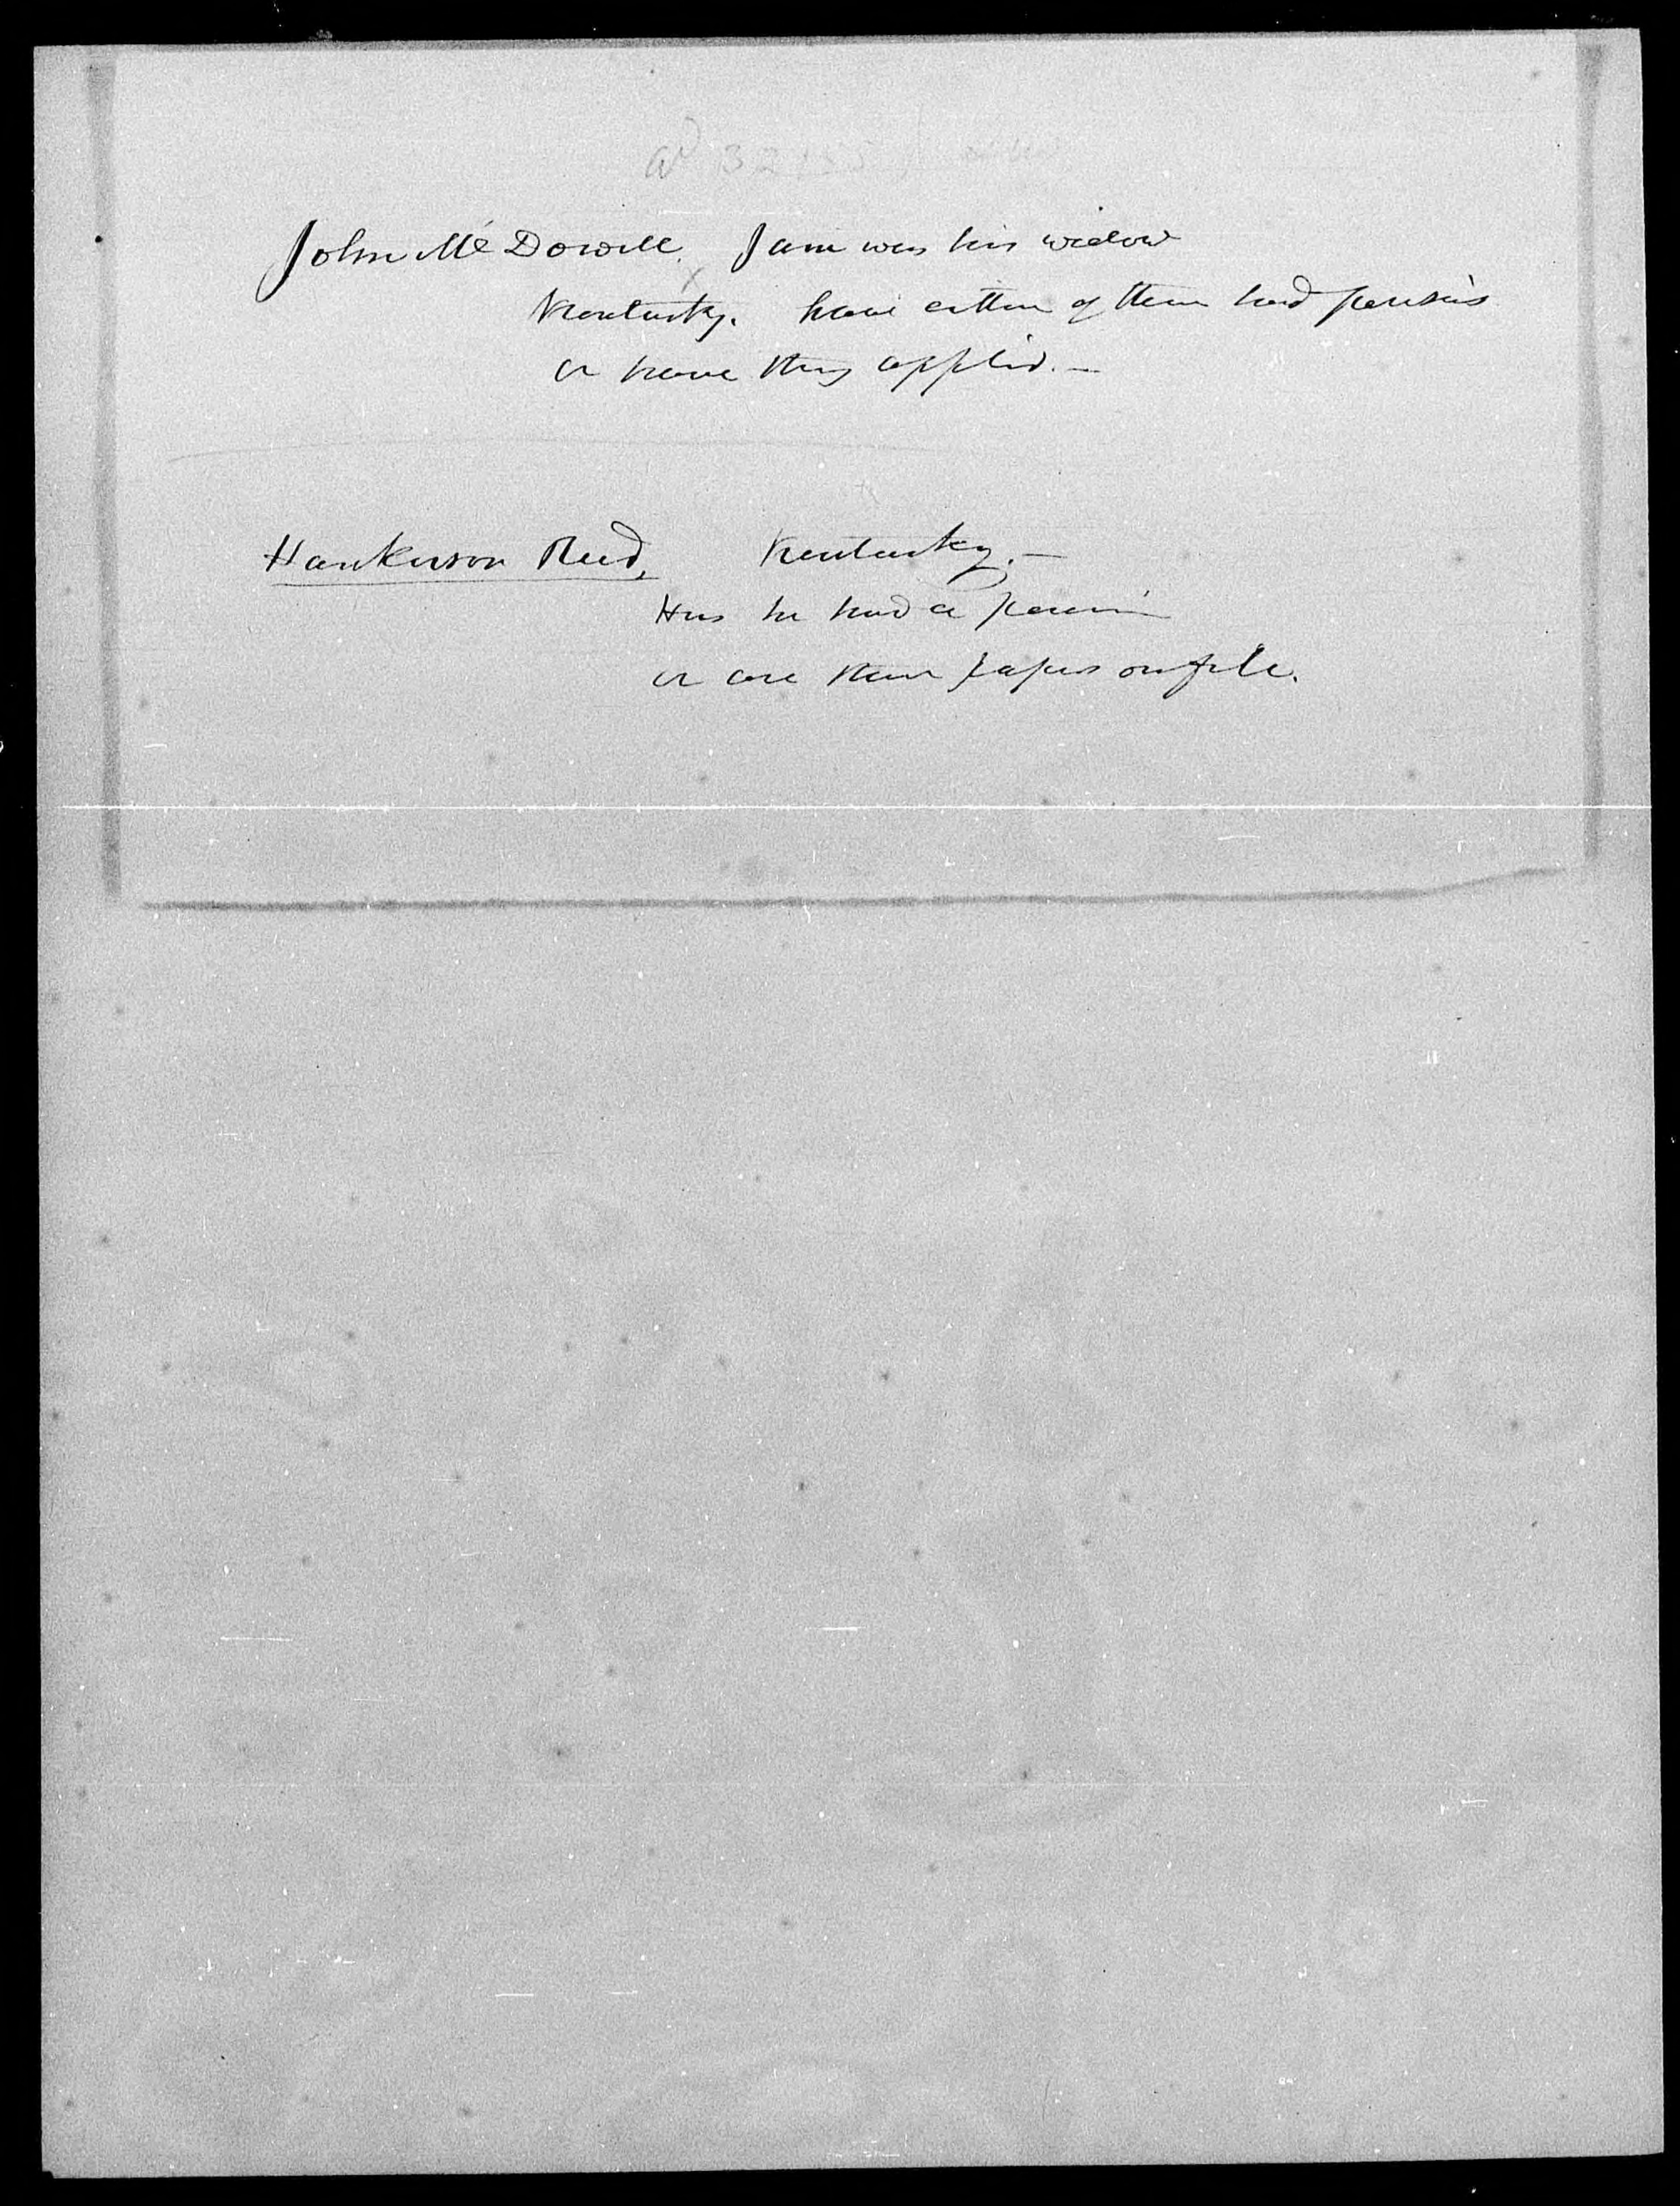W 32155

John McDowell.  Jane was his widow
Kentucky.  Have either of them had pensions
or have they applied--

Hawkerson or Hankerson  Reed,  Kentucky.--
Has he had a pension
[  ]  are their papers on file.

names: Hankerson Reed; John Mc Dowell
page: 16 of 47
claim: survivor's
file: S. 30578, for John Mc Dowell, Virginia